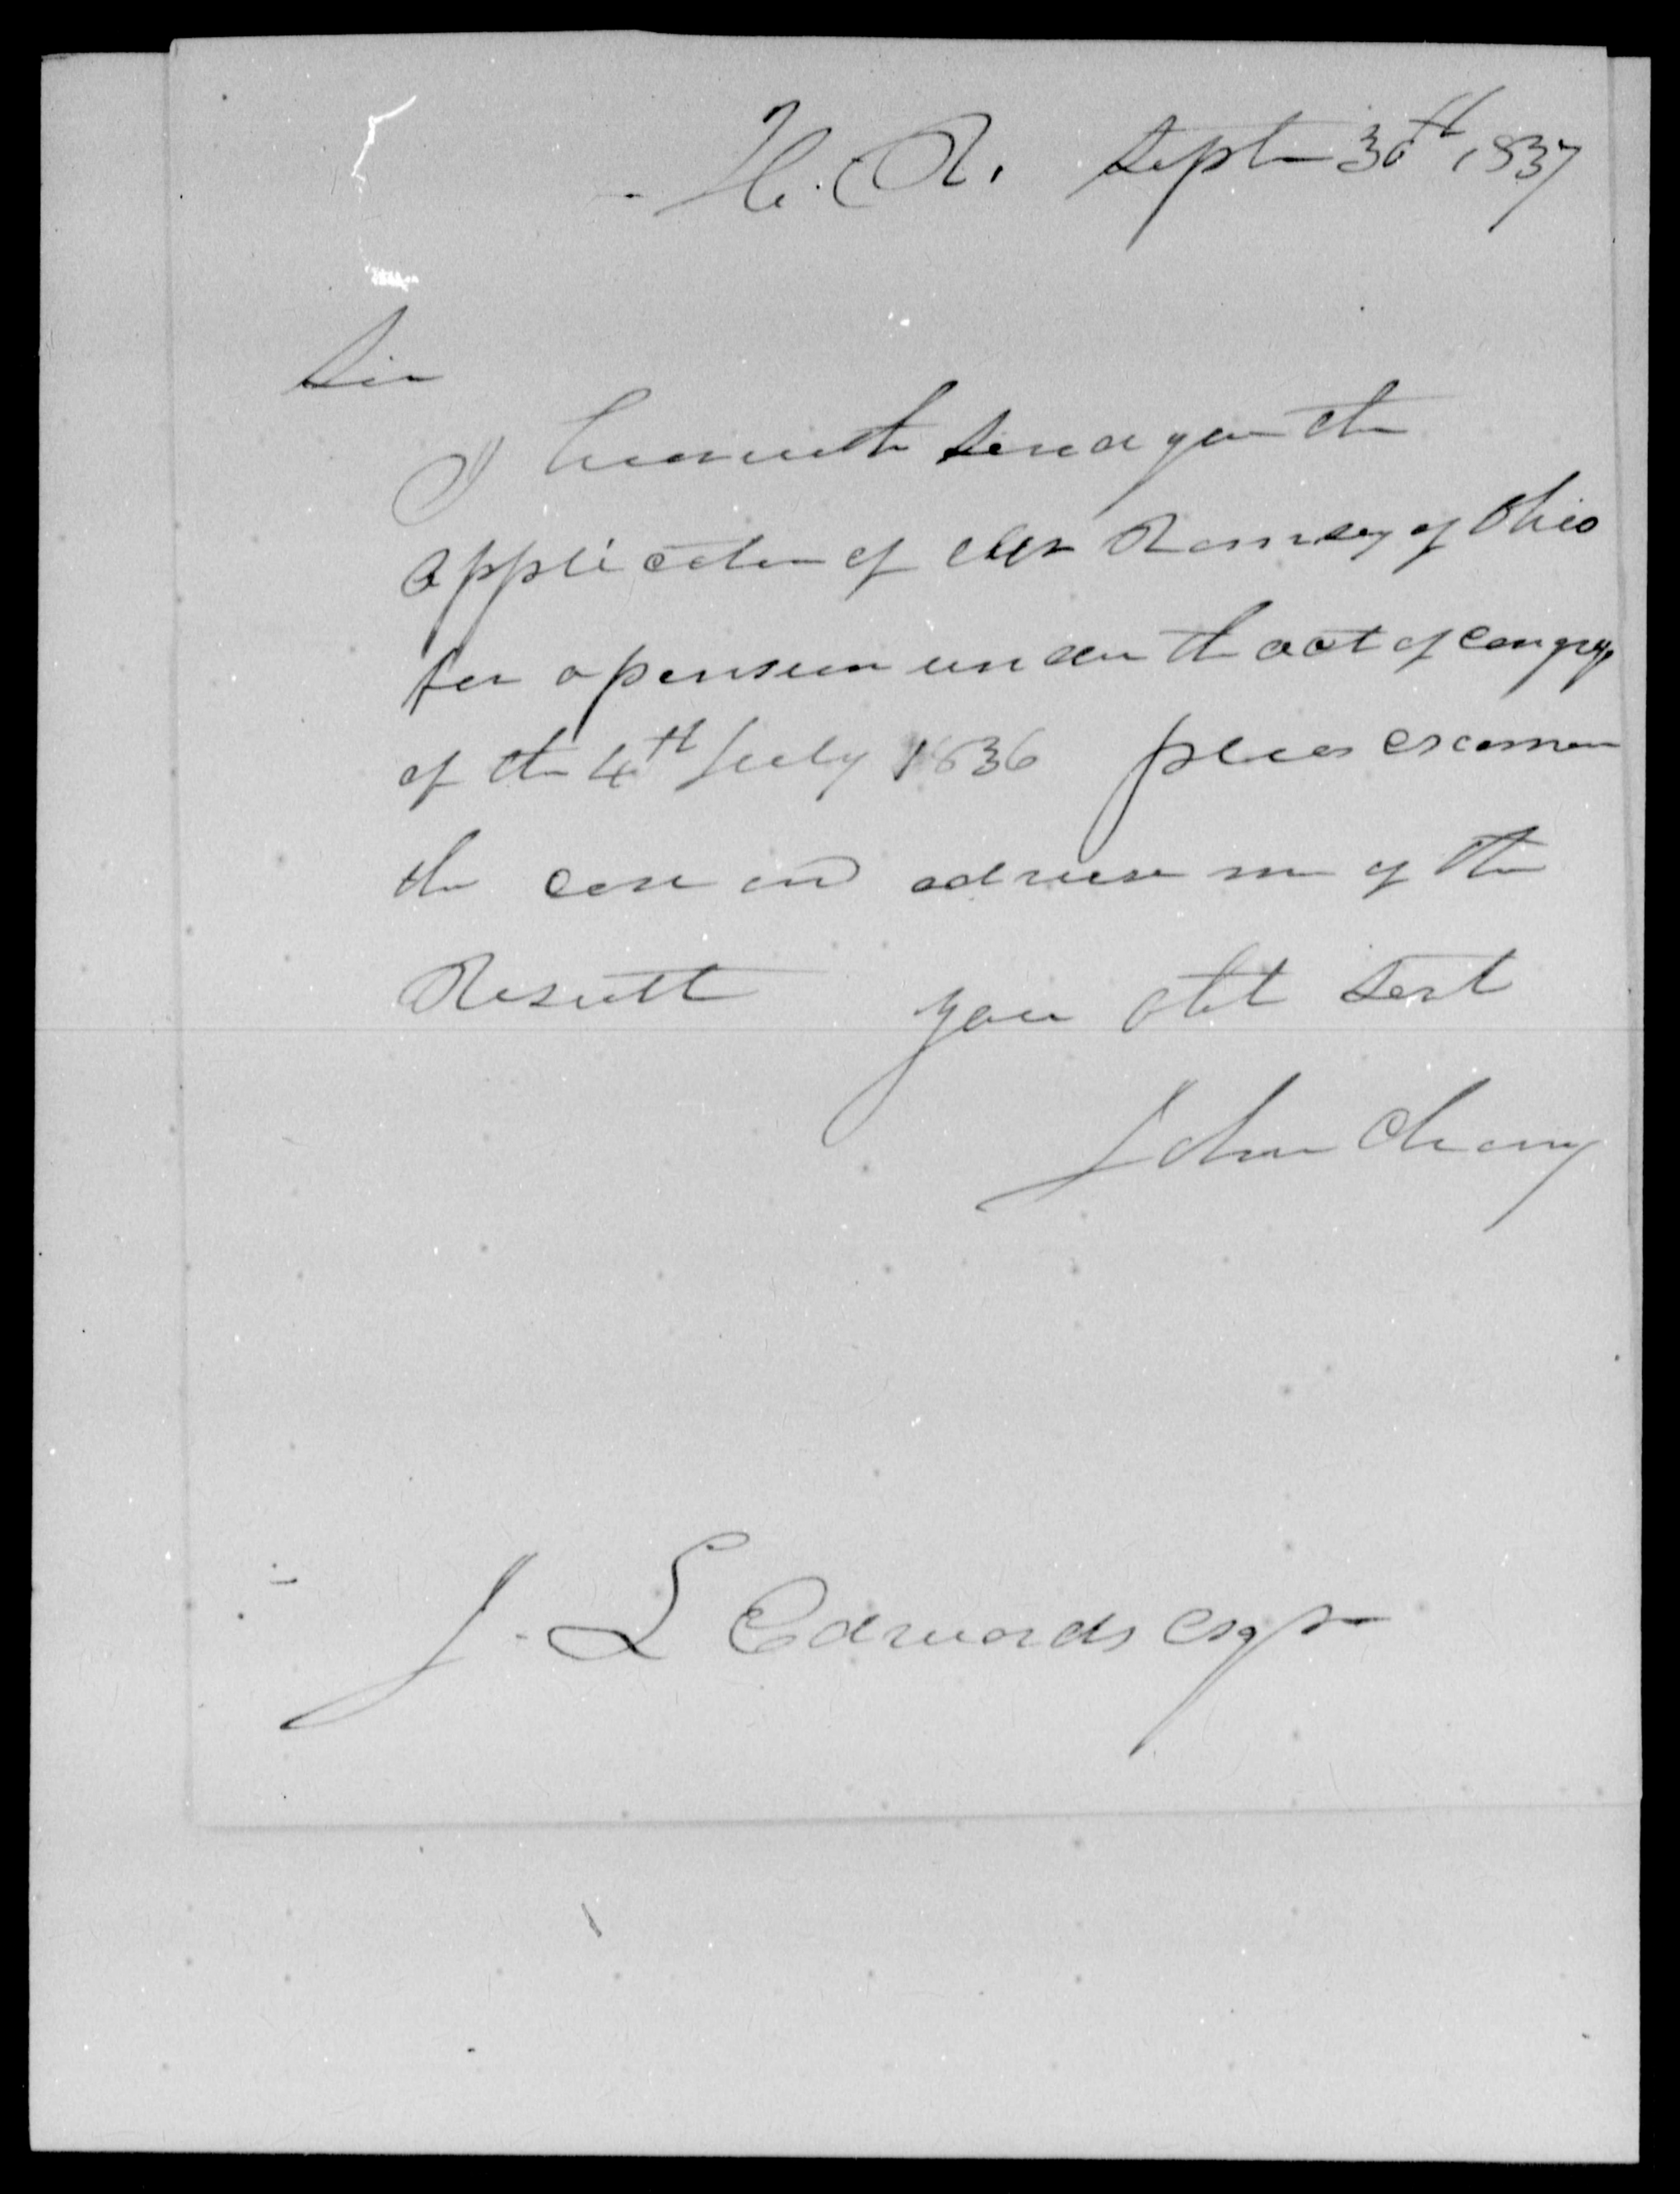H. R. Sept 30th 1837
Sir
I herewith send you the Application of Mr. Ramsey of Ohio for a pension under the act of Congress of the 4th July 1836 please examine the  enc and address me of the Result
your obt Sert
John Chany

J. L Edwards Esqr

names: J L Edwards; John Chany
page: 37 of 84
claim: widow's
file: W.11104, for John Remay, Virginia